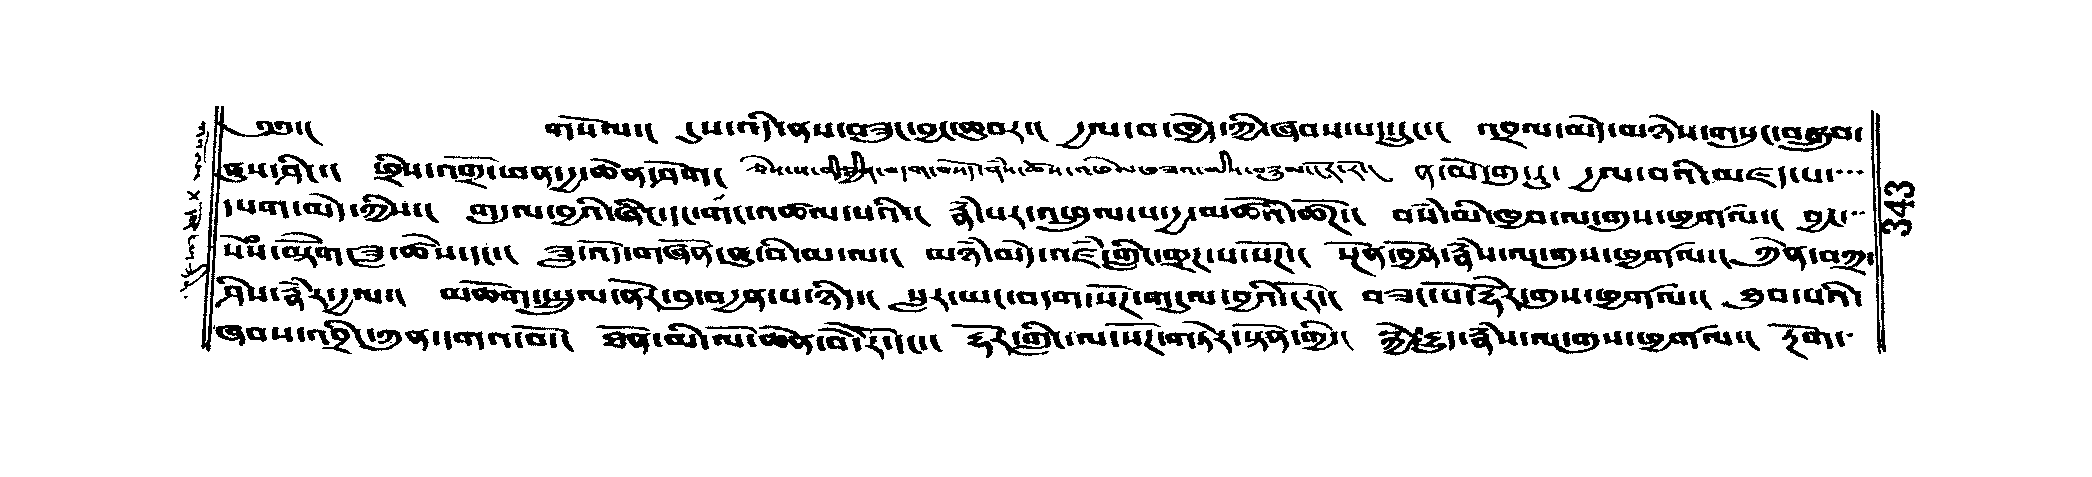གསོལ། །དུས་འདི་ནས་བཟུང་བྱང་ཆུབ་བར། །རྒྱལ་བ་ཁྱེད་ཀྱི་ཞབས་པད་དྲུང་། །འབྲལ་མེད་མཉེས་གསུང་བསྒྲུབ་
ནུས་ཤིང་། །ཕྲིན་ལས་འགྲོ་ཕན་རྒྱ་ཆེན་ཤོག ཅེས་པ་ནི་སྦྱིན་བདག་བསོད་ནམས་ཆོས་འཕེལ་བཟའ་མིས་བསྐུལ་ངོར་རོ། ན་མོ་གུ་རུ། རྒྱལ་བའི་མཛད་པ་
དཔག་མེད་ཀྱིས། །གདུལ་བྱའི་ཞིང་དང་གང་འཚམ་པའི། །རྣམ་པར་འཕྲུལ་པ་རྒྱ་མཚོའི་ཚོགས། །བསམ་མི་ཁྱབ་ལ་གུས་ཕྱག་འཚལ། །བྱང་
སེམས་མེ་ཏོག་ཟླ་ཚེས་དང་། །ཟླ་འོད་གཞོན་ནུ་བི་མ་ལ། །མཉམ་མེད་འཛམ་གླིང་གྲགས་པ་སོགས། །སྔོན་བྱོན་རྣམས་ལ་གུས་ཕྱག་འཚལ། །ཀུན་མཁྱེན་བཀྲ་
ཤིས་རྣམ་པར་རྒྱལ། །མཆོག་སྤྲུལ་ནོར་བུ་བརྒྱན་པ་ཉིད། །སླར་ཡང་བདག་སོགས་གདུལ་བྱའི་ངོར། །བཟང་པོ་རྡོ་རྗེ་གུས་ཕྱག་འཚལ། །ཐུབ་པའི་
ཞབས་འབྲིང་ཀུན་དགའ་བོ། །ཐོན་མི་ལོ་ཆེན་བཻ་རོ་དང་། །རྡོར་གླིང་ལ་སོགས་གཏེར་སྟོན་གྱི། །སྐྱཻ་བརྒྱུད་རྣམས་ལ་གུས་ཕྱག་འཚལ། །རྔོག་